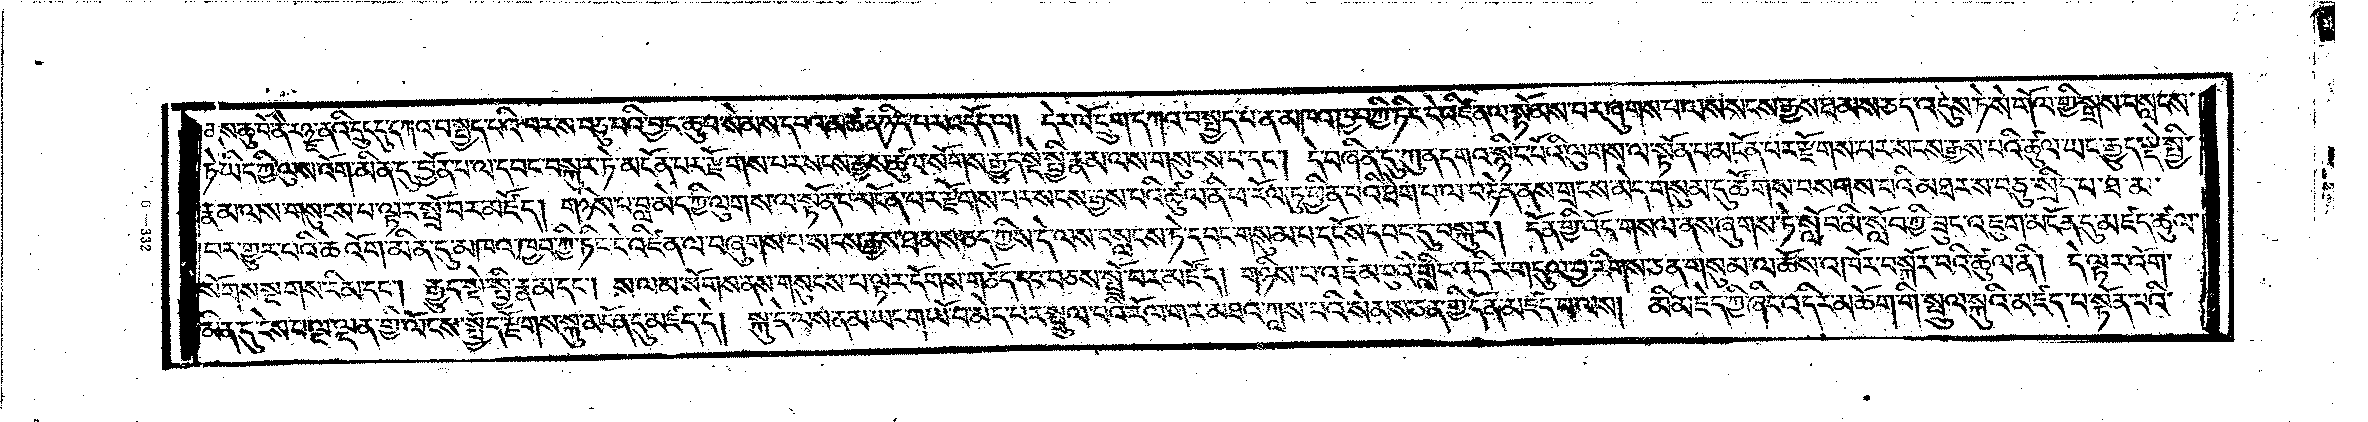ནས་ཆུ་བོ་ནཻ་རཉྫ་ནའི་དྲུང་དུ་དཀའ་བ་སྤྱད་པའི་བར་ས་བཅུ་བའི་བྱང་ཆུབ་སེམས་དཔའ་མཚན་ཉིད་པར་འདོད་ལ། དེར་ལོ་དྲུག་དཀའ་བ་སྤྱད་པ་ན་མཁའ་ཁྱབ་ཀྱི་ཏིང་ངེ་འཛིན་ལ་སྟོམས་པར་ཞུགས་པ་ལས་སངས་རྒྱས་ཐམས་ཅད་འདུས་ཏེ་སེ?་གོལ་གྱི་སྒྲས་བསླངས་
ཏེ་ཡིད་ཀྱི་ལུས་འོག་མིན་དུ་བྱོན་པ་ལ་དབང་བསྐུར་ཏེ་མངོན་པར་རྫོགས་པར་སངས་རྒྱས་ཚུལ་སོགས་རྒྱུད་སྡེ་སྤྱི་རྣམ་ལས་གསུངས་པ་དང་། དེ་བཞིན་དུ་ཀུན་དགའ་སྙིང་པོའི་ལུགས་ལ་སྟོན་པ་མངོན་པར་རྫོགས་པར་སངས་རྒྱས་པའི་ཚུལ་ཡང་རྒྱུད་སྡེ་སྤྱི་
རྣམ་ལས་གསུངས་པ་ལྟར་སྤྲོ་བར་མཛོད། གཉིས་པ་བླ་མེད་ཀྱི་ལུགས་ལ་སྟོན་པ་མངོན་པར་རྫོགས་པར་སངས་རྒྱས་པའི་ཚུལ་ནི་ཕ་རོལ་ཏུ་ཕྱིན་པའི་ཐེག་པ་ལ་བརྟེན་ནས་གྲངས་མེད་གསུམ་དུ་ཚོགས་བསགས་པའི་མཐར་ས་བཅུ་སྲིད་པ་ཐ་མ་
བར་གྱུར་པའི་ཆེ་འོག་མིན་དུ་མཁའ་ཁྱབ་ཀྱི་ཏིང་ངེ་འཛིན་ལ་བཞུགས་པ་སངས་རྒྱས་ཐམས་ཅད་ཀྱིས་དེ་ལས་བསླངས་ཏེ་དབང་གསུམ་པ་དངོས་དབང་དུ་བསྐུར། དོན་གྱི་འོད་གསལ་ནས་ཞུགས་ཏེ་སློབ་མི་སློབ་ཀྱི་ཟུང་འཇུག་མངོན་དུ་མཛད་ཚུལ་
སོགས་སྔགས་རིམ་དང་། རྒྱུད་སྡེ་སྤྱི་རྣམ་དང་། ས་ལམ་སོགས་ནས་གསུངས་པ་ལྟར་དོགས་གཅོད་དང་བཅས་སྤྲོ་བར་མཛོད། གཉིས་པ་འཛམ་བུའི་གླིང་འདིར་གདུལ་བྱ་རིགས་ཅན་གསུམ་ལ་ཆོས་འཁོར་བསྐོར་བའི་ཚུལ་ནི། དེ་ལྟར་འོག་
མིན་དུ་ངེས་པ་ལྔ་ལྡན་གྱི་ལོངས་སྤྱོད་རྫོགས་སྐུ་མངོན་དུ་མཛད་དེ། སྐུ་དེ་ལས་ནམ་ཡང་གཡོ་བ་མེད་པར་སྤྲུལ་པའི་རོལ་གར་མཐའ་ཀླས་པའི་སེམས་ཅན་གྱི་དོན་མཛད་པ་ལས། མི་མཇེད་ཀྱི་ཞིང་འདིར་མཆོག་གི་སྤྲུལ་སྐུའི་མཛད་པ་སྟོན་པའི་